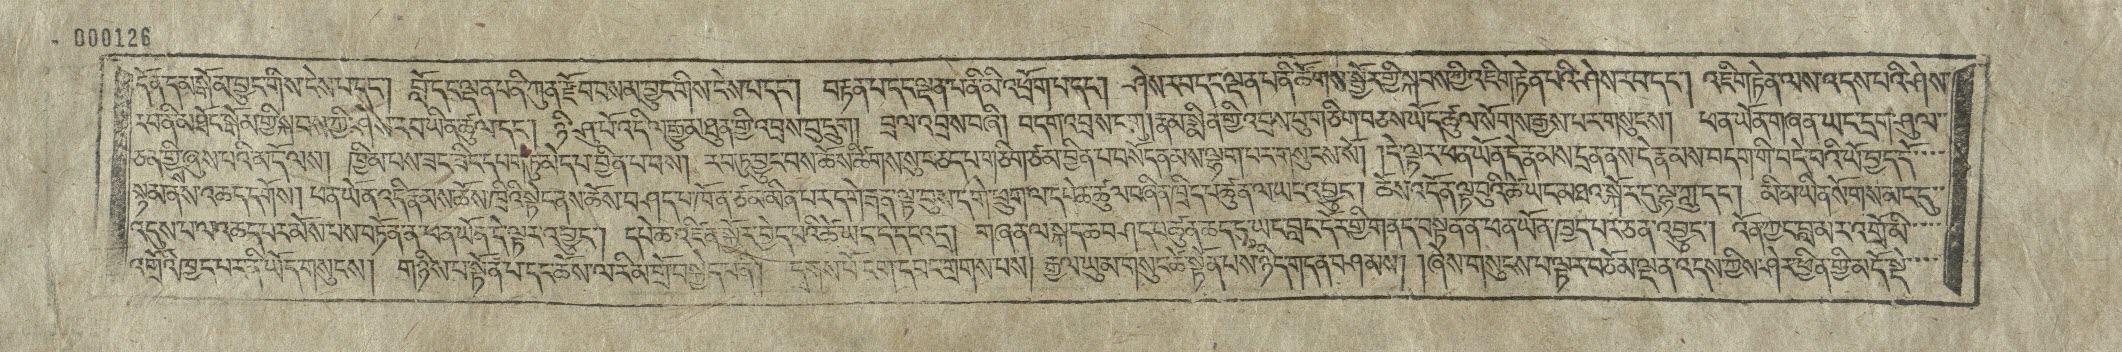དོན་དམ་སྒོམ་བྱུང་གིས་ངེས་པ་དང་། བློ་དང་ལྡན་པ་ནི་ཀུན་རྫོབ་བསམ་བྱུང་གིས་ངེས་པ་དང་། བརྟན་པ་དང་ལྡན་པ་ནི་མི་འཕྲོག་པ་དང་། ཤེས་རབ་དང་ལྡན་པ་ནི་ཚོགས་སྦྱོར་གྱི་སྐབས་ཀྱི་འཇིག་རྟེན་པའི་ཤེས་རབ་དང་། འཇིག་རྟེན་ལས་འདས་པའི་ཤེས་
རབ་ནི་མཐོང་སྒོམ་གྱི་སྐབས་ཀྱི་ཤེས་རབ་ཡིན་ཚུལ་དང་། ཉི་ཤུ་པོ་འདི་ལ་རྒྱུ་མཐུན་གྱི་འབྲས་བུ་དྲུག །བྲལ་འབྲས་བཞི། བདག་འབྲས་དགུ །རྣམ་སྨིན་གྱི་འབྲས་བུ་གཅིག་བཅས་ཡོད་ཚུལ་སོགས་རྒྱས་པར་གསུངས། ཕན་ཡོན་གཞན་ཡང་དྲག་ཤུལ་
ཅན་གྱིས་ཞུས་པའི་མདོ་ལས། ཁྱིམ་པས་ཟང་ཟིང་དཔག་ཏུ་མེད་པ་བྱིན་པ་བས། རབ་ཏུ་བྱུང་བས་ཆོས་ཚིགས་སུ་བཅད་པ་གཅིག་ཙམ་བྱིན་པ་བསོད་ནམས་ལྷག་པར་གསུངས་སོ། །དེ་ལྟར་ཕན་ཡོན་དེ་རྣམས་དྲན་ནས་དེ་རྣམས་བདག་གི་བདེ་བའི་ཡོ་བྱད་དོ་
སྙམ་ནས་འཆད་དགོས། ཕན་ཡོན་འདི་རྣམས་ཆོས་ཁྲིའི་སྟེང་ནས་ཆོས་བཤད་པ་ཁོ་ན་ཙམ་མིན་པར་དགེ་རྒན་ལྟ་བུས་དགེ་ཕྲུག་ལ་དཔེ་ཆ་ཚུལ་བཞིན་ཁྲིད་པ་ཚུན་ལ་ཡང་འབྱུང་། ཆོས་འདོན་ལྟ་བུའི་ཚེ་ཡང་མཐའ་སྐོར་དུ་ལྷ་ཀླུ་དང་། མི་མ་ཡིན་སོགས་མང་དུ་
འདུས་པ་ལ་འཆད་པར་མོས་པས་བཏོན་ན་ཕན་ཡོན་དེ་ལྟར་འབྱུང་། དཔེ་ཆ་འཛིན་སྐྱོར་བྱེད་པའི་ཚེ་ཡང་དེ་དང་འདྲ། གཞན་ལ་སྐད་ཆ་བཤད་པ་ཚུན་ཆད་དུ་ཡང་བླང་དོར་གྱི་གནད་བསྟན་ན་ཕན་ཡོན་ཁྱད་པར་ཅན་འབྱུང་། འོན་ཀྱང་བླ་མར་འགྲོ་མི་
འགྲོའི་ཁྱད་པར་ནི་ཡོད་གསུངས། གཉིས་པ་སྟོན་པ་དང་ཆོས་ལ་རིམ་གྲོ་བསྐྱེད་པ་ནི། དྭགས་པོ་ངག་དབང་གྲགས་པས། རྒྱལ་ཡུམ་གསུང་ཚེ་སྟོན་པས་ཉིད་གདན་བཤམས། །ཞེས་གསུངས་པ་ལྟར་བཅོམ་ལྡན་འདས་ཀྱིས་ཤེར་ཕྱིན་གྱི་མདོ་སྡེ་